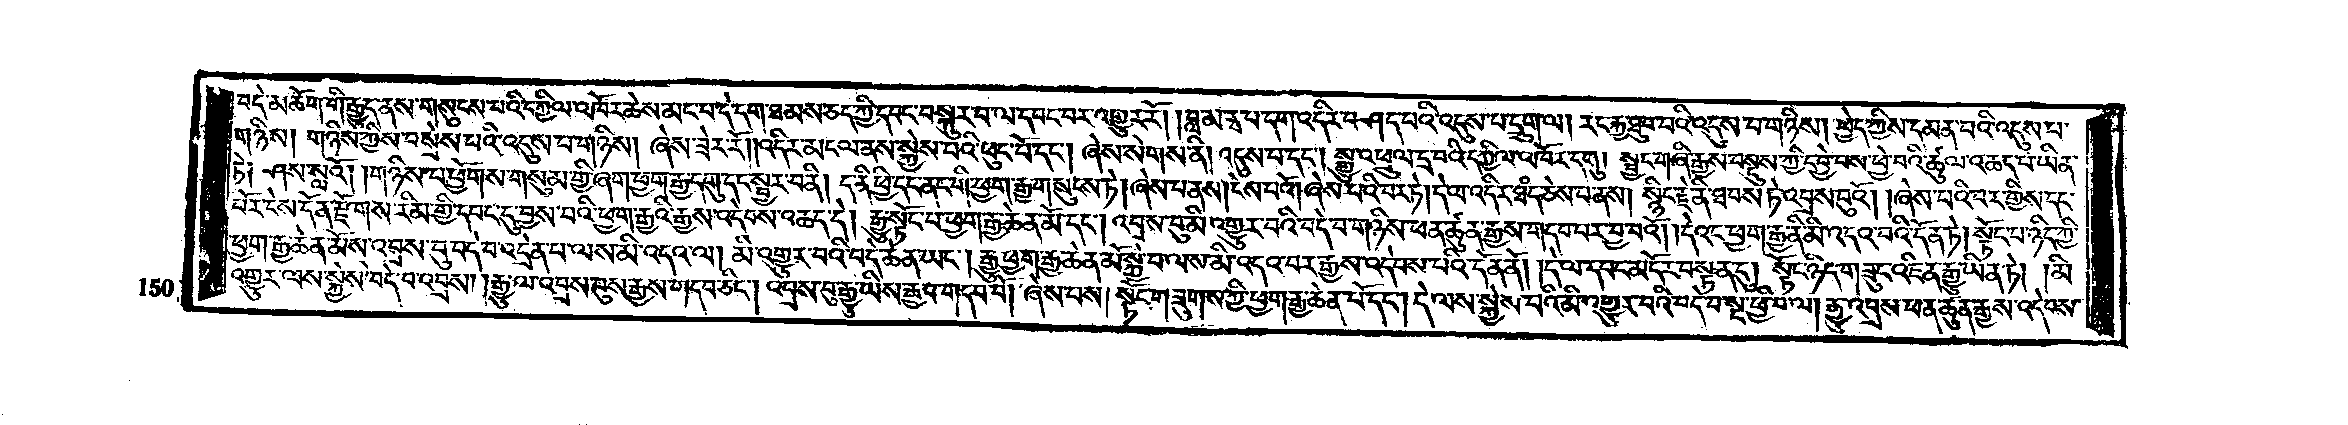བདེ་མཆོག་གི་རྒྱུད་ནས་གསུངས་པའི་དཀྱིལ་འཁོར་ཆེས་མང་བ་དེ་དག་ཐམས་ཅད་ཀྱི་དབང་བསྐུར་བ་ལ་དབང་བར་འགྱུར་རོ། །བླ་མ་རྭ་པ་དག་འདིར་བཤད་པའི་འདུས་པ་དྲུག་ལ། རང་རྐྱ་ཐུབ་པའི་འདུས་པ་གཉིས། ཕྱེད་ཀྱིས་དམན་པའི་འདུས་པ་
གཉིས། གཉིས་ཀྱིས་བསྲེས་པའི་འདུས་པ་གཉིས། ཞེས་ཟེར་རོ། །འདིར་མངལ་ནས་སྐྱེས་པའི་ཕུང་པོ་དང་། ཞེས་སོགས་ནི། འདུས་པ་དང་། སྒྱུ་འཕྲུལ་དྲ་བའི་དཀྱིལ་འཁོར་དགུ། སྦྱང་གཞི་རྒྱས་བསྡུས་ཀྱི་དབྱེ་བས་ཕྱེ་བའི་ཚུལ་འཆད་པ་ཡིན་
ཏེ། ཤས་སླའོ། །གཉིས་པ་ཕྱོགས་གསུམ་གྱི་ཞག་ཕྱག་རྒྱ་དགུ་དང་སྦྱར་བ་ནི། ད་ནི་ཕྱི་དང་ནང་གི་ཕྱག་རྒྱ་གསུངས་ཏེ། ཞེས་པ་ནས། ངེས་པའོ། ཞེས་པའི་བར་ཏེ། དེ་ལ་འདིར་ཐམས་ཅད་ཅེས་པ་ནས། སྙིང་རྗེ་ནི་ཐབས་ཏེ་འབྲས་བུའོ། །ཞེས་པའི་བར་གྱིས་དང་
པོར་ངེས་དོན་རྫོགས་རིམ་གྱི་དབང་དུ་བྱས་པའི་ཕྱག་རྒྱའི་རྒྱས་འདེབས་འཆད་དེ། རྒྱུ་སྟོང་པ་ཕྱག་རྒྱ་ཆེན་མོ་དང་། འབྲས་བུ་མི་འགྱུར་བའི་བདེ་བ་གཉིས་ཕན་ཚུན་རྒྱས་གདབ་པར་བྱ་བའོ། །དེའང་ཕྱག་རྒྱ་ནི་མི་འདའ་བའི་དོན་ཏེ། སྟོང་པ་ཉིད་ཀྱི་
ཕྱག་རྒྱ་ཆེན་མོས་འབྲས་བུ་བདེ་བ་འདྲེན་པ་ལས་མི་འདའ་ལ། མི་འགྱུར་བའི་བདེ་ཆེན་ཡང་། རྒྱུ་ཕྱག་རྒྱ་ཆེན་མོ་སྐྱེ་བ་ལས་མི་འདའ་བར་རྒྱས་འདེབས་པའི་དོན་ནོ། །དེ་ལ་དབང་མདོར་བསྟན་དུ། སྟོང་ཉིད་གཟུང་འཛིན་རྒྱུ་ཡིན་ཏེ། །མི་
འགྱུར་ལས་སྐྱེས་བདེ་བ་འབྲས། །རྒྱུ་ལ་འབྲས་བུས་རྒྱས་གདབ་ཅིང་། འབྲས་བུ་རྒྱུ་ཡིས་རྒྱབ་གདབ་བོ། ཞེས་པས། སྟོང་གཟུགས་ཀྱི་ཕྱག་རྒྱ་ཆེན་པོ་དང་། དེ་ལས་སྐྱེས་པའི་མི་འགྱུར་བའི་བདེ་བ་སྔ་ཕྱི་བ་ལ། རྒྱུ་འབྲས་ཕན་ཚུན་རྒྱས་འདེབས་